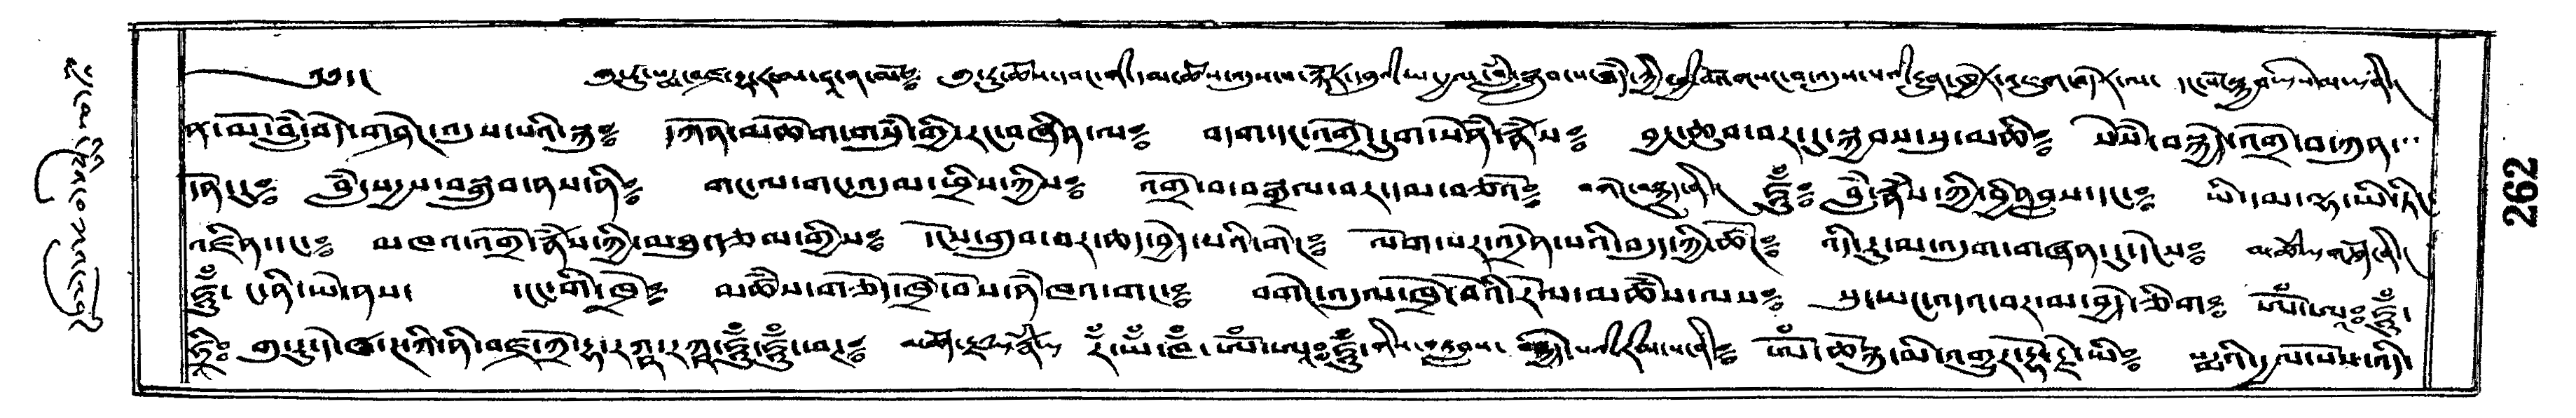༄༅། གུ་རུ་པདྨ་བཛྲ་དྷ་ར་མ་ཧཱ་ན་མོ༔ གུ་རུ་ཆོས་དབང་གི་དམ་ཆོས་འདུས་པ་སྐོར་དགུའི་ཡ་རྒྱལ་བླ་མ་སྒྲུབ་པ་ཐམས་ཅད་ཀྱི་ཕྱི་མོ་གསང་བ་འདུས་པའི་རྒྱུན་ཁྱེར་འཇུག་བདེ་ལ། དང་པོ་སྐྱབས་སེམས་ནི། 
ན་མོ༔ བླ་མ་བདེ་གཤེགས་འདུས་པའི་སྐུ༔ དཀོན་མཆོག་གསུམ་གྱི་རང་བཞིན་ལ༔ བདག་དང་འགྲོ་དྲུག་སེམས་ཅན་རྣམས༔ བྱང་ཆུབ་བར་དུ་སྐྱབས་སུ་མཆི༔ སེམས་བསྐྱེད་འགྲོ་བ་ཀུན་
དོན་དུ༔ བླ་མ་སངས་རྒྱས་བསྒྲུབས་ནས་ནི༔ གང་ལ་གང་འདུལ་ཕྲིན་ལས་ཀྱིས༔ འགྲོ་བ་སྒྲོལ་བར་དམ་བཅའོ༔ བགེགས་བསྐྲད་ནི། ཧཱུྃ༔ བླ་མ་རྣམས་ཀྱི་བྱིན་རླབས་དང་༔ ཡི་དམ་ལྷ་ཡི་ཏིང་
འཛིན་དང༔ མཁའ་འགྲོ་རྣམས་ཀྱི་མཐུ་རྩལ་གྱིས༔ དངོས་གྲུབ་བར་ཆད་བྱེད་པའི་གེགས༔ ལོག་པར་འདྲེན་པའི་བདུད་ཀྱི་ཚོགས༔ འདི་རུ་མ་འདུག་གཞན་དུ་དེངས༔ མཚམས་གཅོད་ནི། 
ཧཱུྃ༔ ང་ནི་ཡེ་ནས་ ངང་གིས་ཁྲོ༔ མཚམས་གཅོད་ཁྲོ་བོས་ནམ་མཁའ་གང༔ བགེགས་འདུལ་ཁྲོ་བོའི་རོལ་མཚམས་ལས༔ སུ་ཡང་འདའ་བར་མ་བྱེད་ཅིག༔ ཨོཾ་ཨཱཿཧཱུྃ༔ 
ཧྲཱི༔ གུ་རུ་དེ་ཝ་ཌཱ་ཀི་ནི་བཛྲ་ཀྲོ་དྷ་རཀྵ་ཧཱུྃ་ཧཱུྃ་ཕཊ༔ མཆོད་རྫས་རྣམས། རྃ་ཡྃ་ཁྃ༔ ཨོཾ་ཨཱཿཧཱུྃ༔ གིས་བརླབ། བསྐྱེད་པའི་རིམ་པ་ནི། ཨོཾ༔ ཆོས་སྐུ་མི་འགྱུར་རྡོ་རྗེ་ཡི༔ པདྨ་རྒྱལ་པོས་འདི་